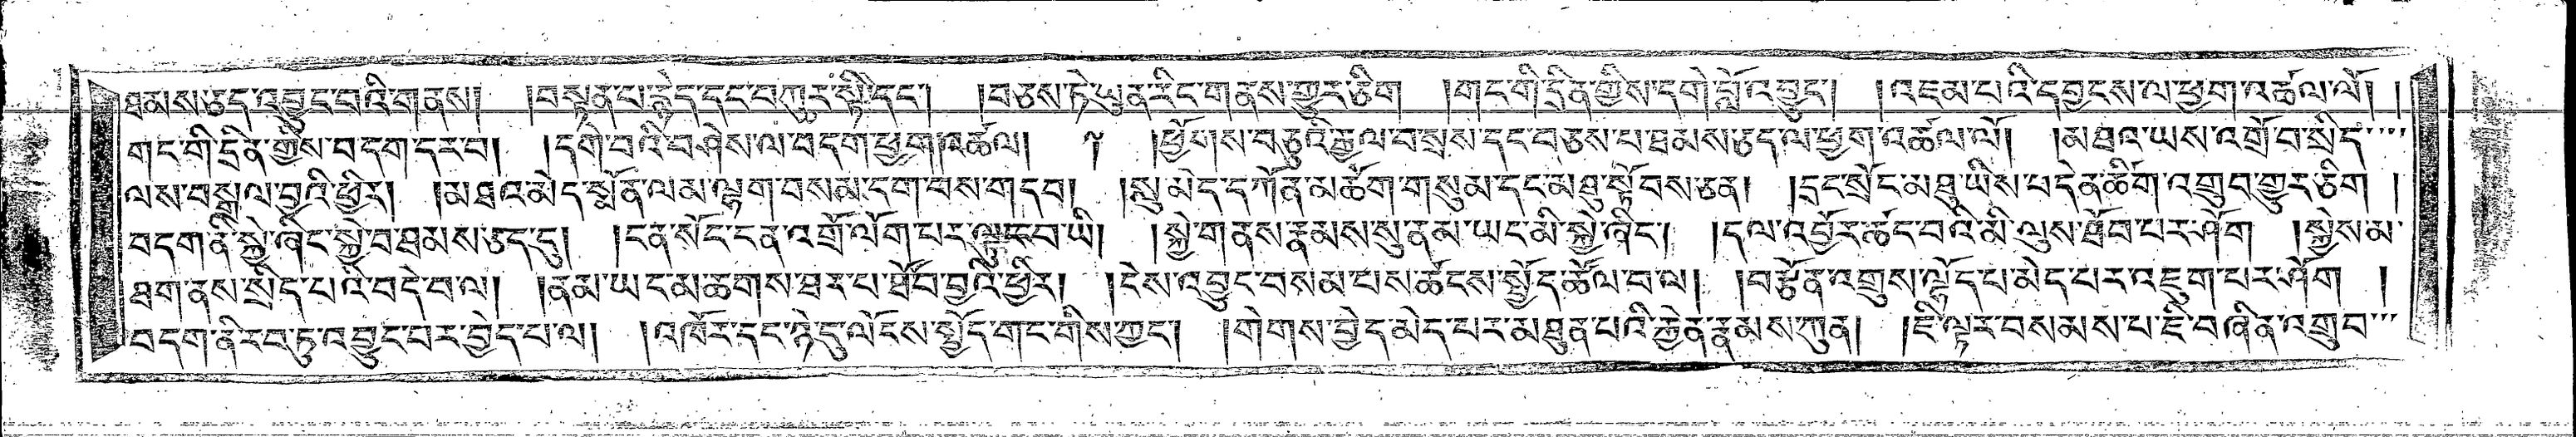ཐམས་ཅད་འབྱུང་བའི་གནས། །བསྟན་པ་རྙེད་དང་བཀུར་སྟི་དང་། །བཅས་ཏེ་ཡུན་རིང་གནས་གྱུར་ཅིག །གང་གི་དྲིན་གྱིས་དགེ་བློ་འབྱུང་། །འཇམ་པའི་དབྱངས་ལ་ཕྱག་འཚལ་ལོ། །
གང་གི་དྲིན་གྱིས་བདག་དར་བ། །དགེ་བའི་བཤེས་ལ་བདག་ཕྱག་འཚལ།། ༈ །ཕྱོགས་བཅུའི་རྒྱལ་བ་སྲས་དང་བཅས་པ་ཐམས་ཅད་ལ་ཕྱག་འཚལ་ལོ། །མཐའ་ཡས་འགྲོ་བ་སྲིད་
ལས་བསྒྲལ་བྱའི་ཕྱིར། །མཐའ་མེད་སྨོན་ལམ་ལྷག་བསམ་དག་པས་གདབ། །སླུ་མེད་དཀོན་མཆོག་གསུམ་དང་མཐུ་སྟོབས་ཅན། །དྲང་སྲོང་མཐུ་ཡིས་བདེན་ཚིག་འགྲུབ་གྱུར་ཅིག །
བདག་ནི་སྐྱེ་ཞིང་སྐྱེ་བ་ཐམས་ཅད་དུ། །ངན་སོང་ངན་འགྲོ་ལོག་པར་ལྟུང་བ་ཡི། །སྐྱེ་གནས་རྣམས་སུ་ནམ་ཡང་མི་སྐྱེ་ཞིང་། །དལ་འབྱོར་ཚང་བའི་མི་ལུས་ཐོབ་པར་ཤོག །སྐྱེས་མ་
ཐག་ནས་སྲིད་པའི་བདེ་བ་ལ། །ནམ་ཡང་མ་ཆགས་ཐར་པ་ཐོབ་བྱའི་ཕྱིར། །ངེས་འབྱུང་བསམ་པས་ཚངས་སྤྱོད་ཚོལ་བ་ལ། །བརྩོན་འགྲུས་ལྷོད་པ་མེད་པར་འཇུག་པར་ཤོག །
བདག་ནི་རབ་ཏུ་འབྱུང་བར་བྱེད་པ་ལ། །འཁོར་དང་ཉེ་དུ་ལོངས་སྤྱོད་གང་གིས་ཀྱང་། །གེགས་བྱེད་མེད་པར་མཐུན་པའི་རྐྱེན་རྣམས་ཀུན། །ཇི་ལྟར་བསམས་པ་ཇི་བཞིན་འགྲུབ་